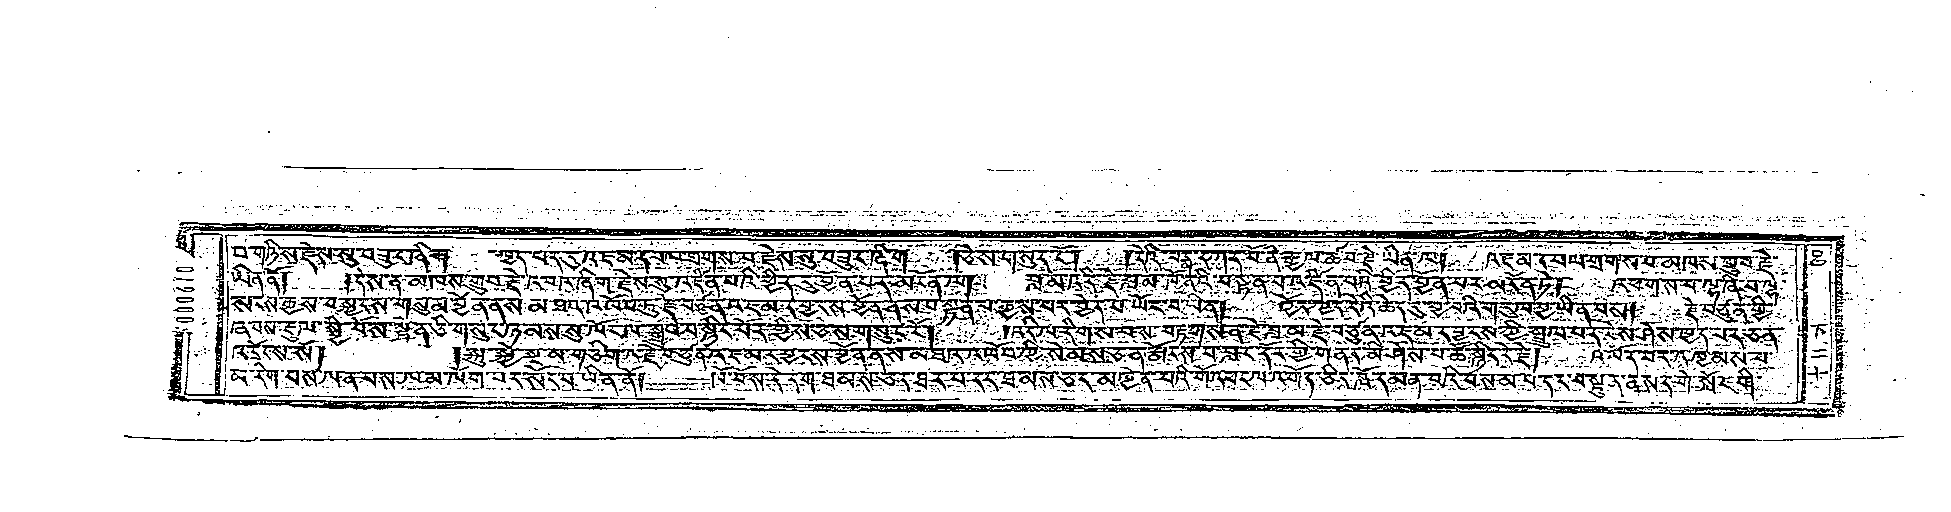བ་གཉིས་རྗེས་སུ་བཟུང་ཞིག །ཁྱད་པར་དུ་འཇམ་དཔལ་གྲགས་པ་རྗེས་སུ་བཟུང་ཞིག །ཅེས་གསུང་ངོ། །དེའི་པདམ་དཀར་པོ་ནི་རྒྱལ་ཚབ་རྗེ་ཡིན་ལ། འཇམ་དཔལ་གྲགས་པ་མཁས་གྲུབ་རྗེ་
ཡིན་ནོ། །དེས་ན་མཁས་གྲུབ་རྗེ་འབའ་ཞིག་རྗེས་སུ་འཛིན་པའི་ཕྱིར་དུ་བྱོན་པར་མངོན་ལ། བླ་མ་འདི་རྗེ་བླ་མ་ཁོ་ནའི་བསྟན་པ་འཛིན་པའི་ཕྱིར་བྱོན་པར་མངོན་ཏེ། འཕགས་པ་ལྷ་ཞི་བ་ལྷ་
སངས་རྒྱས་བསྐྱངས་གསུམ་བྱོན་ནས་མཐའ་འཁོབ་ཏུ་རྗེ་བཙུན་འཇམ་དབྱངས་བྱོན་ནས་བསྟན་པ་རྒྱས་པར་བྱེད་པ་ཡོང་བ་ཡིན། ཁྱོད་ཀྱང་དེའི་ཆེད་དུ་བྱ་བའི་གདུལ་བྱ་ཡིན་པས། རྗེ་བཙུན་གྱི་
ཞབས་རྡུལ་སྤྱི་བོས་སྟེན་ཅི་གསུང་ཉམས་སུ་ལོང་ལ་སྒྲུབ་པ་སྙིང་པོར་གྱིས་ཅེས་གསུང་ངོ། །འདི་ལ་རིགས་བས་བརྟགས་ན་རྗེ་བླ་མ་རྗེ་བཙུན་འཇམ་དབྱངས་ཀྱི་སྤྲུལ་པར་ངེས་ཤེས་ཁྱད་པར་ཅན་
འདྲོངས་སོ། །སྐུ་སྐྱེ་སྔ་མ་གཅིག་ལ་རྗེ་བཙུན་འཇམ་དབྱངས་བྱོན་ནས་མཐའ་འཁོབ་ཀྱི་སེམས་ཅན་རྨོངས་བ་བླང་དོར་གྱི་གནད་མི་ཤེས་པ་ཚོ་སྙིང་རེ་རྗེ། འཁོར་བར་འཁྱམས་པ་
མ་རིག་པས་ལན་པས་ལམ་ལོག་པར་སོང་བ་ཡིན་ནོ། ཁོ་བོས་དེ་དག་ཐམས་ཅད་ཐར་པ་དང་ཐམས་ཅད་མཁྱེན་པའི་གོ་འཕང་ལ་འགོད་ཅིང་བློ་དམན་བའི་བསམ་པ་དང་བསྟུན་ནས་དགེ་སློང་གི་